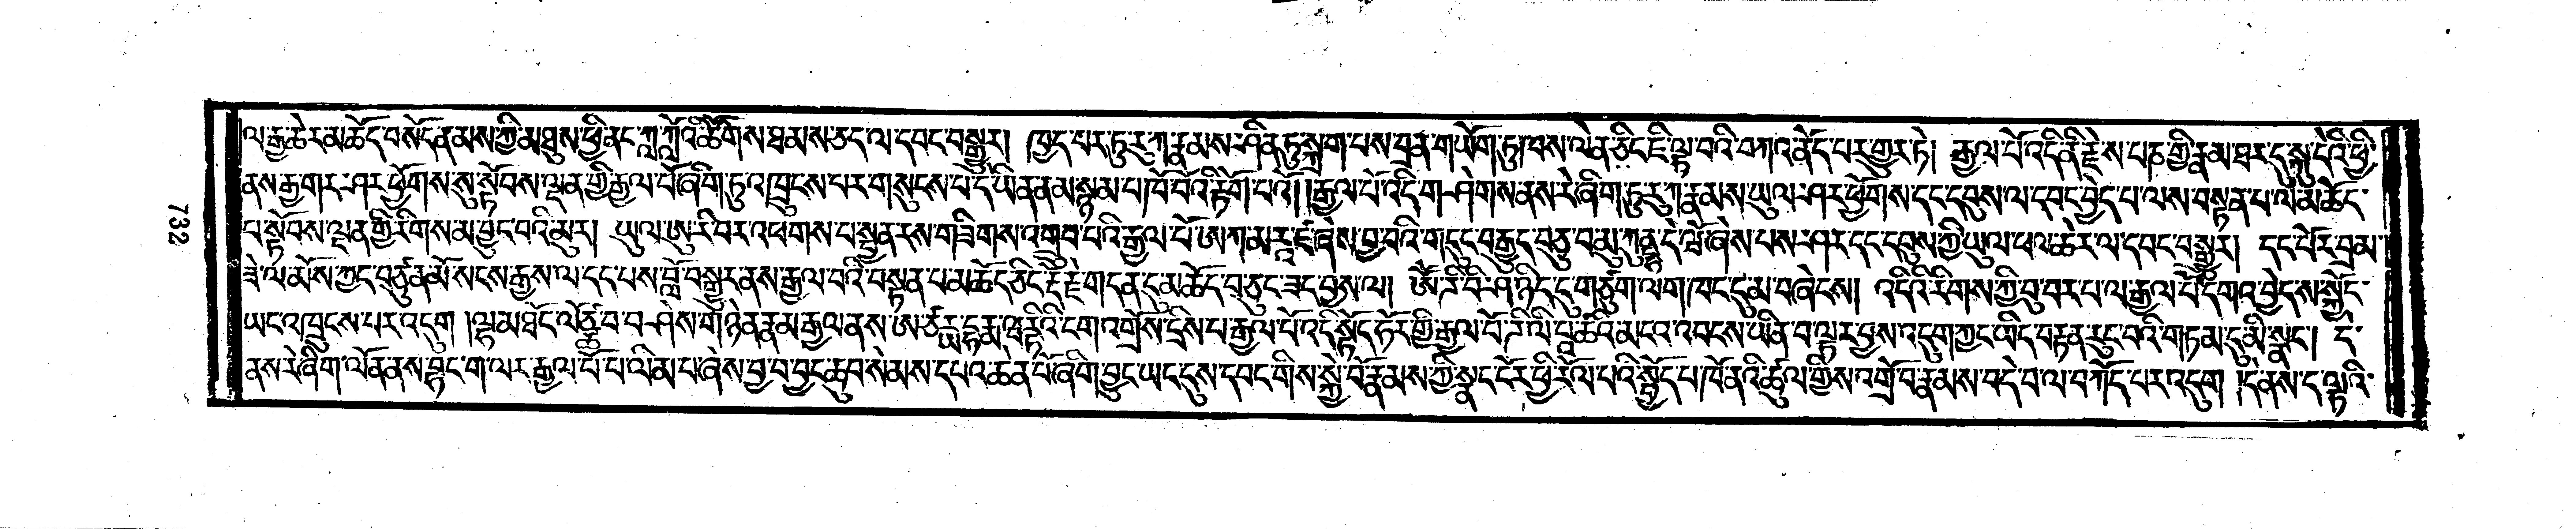ལ་རྒྱ་ཆེར་མཆོད་བསོད་ནམས་ཀྱི་མཐུས་ཕྱི་ནང་ཀླ་ཀློའི་ཚོགས་ཐམས་ཅད་ལ་དབང་བསྒྱུར། ཁྱད་པར་ཏུ་རུ་ཀ་རྣམས་ཤིན་ཏུ་སྐྲག་པས་བྲན་གཡོག་ཏུ་ཁས་ལེན་ཅིང་ཇི་ལྟ་བའི་བཀའ་ནོད་པར་གྱུར་ཏེ། རྒྱལ་པོ་འདི་ནི་རྗེ་ས་པཎ་གྱི་རྣམ་ཐར་དུ་སྐུ་དེའི་ཕྱི་
ནས་རྒྱ་གར་ཤར་ཕྱོགས་སུ་སྟོབས་ལྡན་གྱི་རྒྱལ་པོ་ཞིག་ཏུ་འཁྲུངས་པར་གསུངས་པ་དེ་ཡིན་ནམ་སྙམ་པ་ཁོ་བོའི་རྟོག་པའོ། །རྒྱལ་པོ་འདི་གཤེགས་ནས་རེ་ཞིག་ཏུ་རུ་ཀ་རྣམས་ཡུལ་ཤར་ཕྱོགས་དང་དབུས་ལ་དབང་བྱེད་པ་ལས་བསྟན་པ་ལ་མཆོད་
པ་སྟོབས་ལྡན་གྱི་རིགས་མ་བྱུང་བའི་མུར། ཡུལ་ཨུ་རི་བར་འཕགས་པ་སྤྱན་རས་གཟིགས་འགྲུབ་པའི་རྒྱལ་པོ་ཨཀ་མ་རཱ་ཛ་ཞེས་བྱ་བའི་གདུང་བརྒྱུད་བཅུ་བ་མུ་ཀུནྡྷ་དེ་ཝོ་ཞེས་པས་ཤར་དང་དབུས་ཀྱི་ཡུལ་ཕལ་ཆེར་ལ་དབང་བསྒྱུར། དང་པོར་བྲམ་
ཟེ་ལ་མོས་ཀྱང་བཙུན་མོ་སངས་རྒྱས་ལ་དད་པས་བློ་བསྒྱུར་ནས་རྒྱལ་བའི་བསྟན་པ་མཆོད་ཅིང་རྡོ་རྗེ་གདན་དུ་མཆོད་བ་ཅུང་ཟད་བྱས་ལ། ཨཽ་ཌི་བི་ཤ་ཉིད་དུ་གཙུག་ལག་ཁང་དུ་མ་བཞེངས། འདིའི་རིགས་ཀྱི་བུ་བར་པ་ལ་རྒྱལ་པོ་དགའ་བྱེད་ས་སྐྱོང་
ཡང་འཁྲུངས་པར་འདུག །ལྷ་མཐོང་ལོཙྪ་བ་བཤེས་གཉེན་རྣམ་རྒྱལ་ནས་ཨ་ཙརྱ་དྷརྨ་ཝརྟིའི་ངག་འགྲོས་དྲིས་པ་རྒྱལ་པོ་འདི་སྟོད་ཧོར་གྱི་རྒྱལ་པོ་ཌི་ལི་པཱ་ཚེའི་མངའ་འབངས་ཡིན་བ་ལྟར་བྱས་འདུག་ཀྱང་ཡིད་བརྟན་རུང་བའི་གཏམ་དུ་མི་སྣང་། དེ་
ནས་རེ་ཞིག་ལོན་ནས་བྷང་ག་ལར་རྒྱལ་པོ་པ་ལིམ་པ་ཞེས་བྱ་བ་བྱང་ཆུབ་སེམས་དཔའ་ཆེན་པོ་ཞིག་བྱུང་ཡང་དུས་དབང་གིས་སྐྱེ་བོ་རྣམས་ཀྱི་སྣང་ངོར་ཕྱི་རོལ་པའི་སྤྱོད་པ་ཁོ་ནའི་ཚུལ་གྱིས་འགྲོ་བ་རྣམས་བདེ་བ་ལ་བཀོད་པར་འདུག །དེ་ནས་ད་ལྟའི་